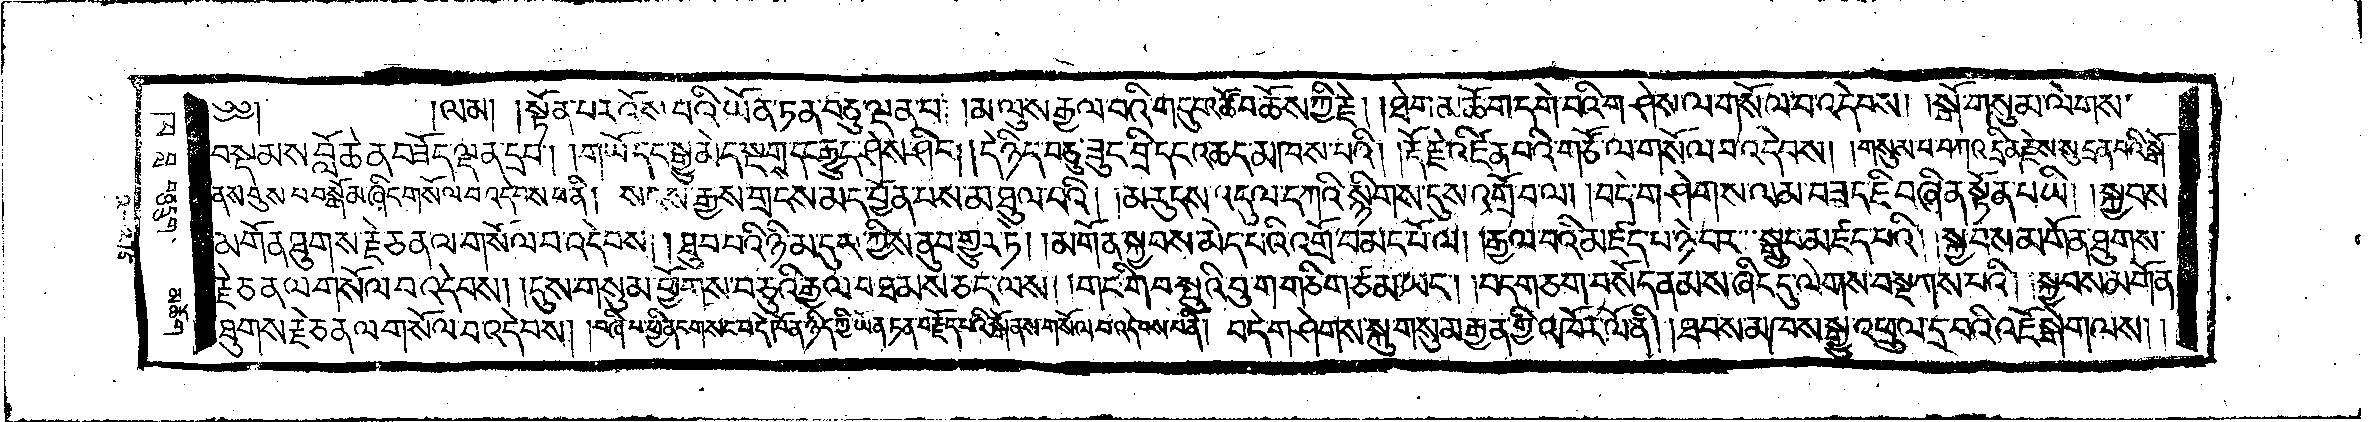༄༅། །ལམ། །སྟོན་པར་འོས་བའི་ཡོན་ཏན་བཅུ་ལྡན་པ། །མ་ལུས་རྒྱལ་བའི་གདུང་འཚོ་བ་ཆོས་ཀྱི་རྗེ། །ཐེག་མཆོག་དགེ་བའི་གཤེས་ལ་གསོལ་བ་འདེབས། །སྒོ་གསུམ་ལེགས་
བསྡམས་བློ་ཆེན་བཟོད་ལྡན་དྲབ། །གཡོ་དང་སྒྱུ་མེད་སྔགས་དང་རྒྱུད་ཤེས་ཤིང་། །དེ་ཉིད་བཅུ་ཟུང་བྲི་དང་འཆད་མཁས་པའི། །རྡོ་རྗེ་འཛིན་པའི་གཙོ་ལ་གསོལ་བ་འདེབས། །གསུམ་པ་བཀའ་དྲིན་རྗེས་སུ་དྲན་པའི་སྒོ་
ནས་བུས་པ་བསྒོམ་ཞིང་གསོལ་བ་འདེབས་པ་ནི། སངས་རྒྱས་གྲངས་མད་བྱོན་པས་མ་ཐུལ་བའི། །མ་རུངས་འདུལ་དཀའི་སྙིགས་དུས་འགྲོ་བ་ལ། །བདེ་གཤེགས་ལམ་བཟད་ཇི་བཞིན་སྟོན་པ་ཡི། །སྐྱབས་
མགོན་ཐུགས་རྗེ་ཅན་ལ་གསོལ་བ་འདེབས། །ཐུབ་པའི་ཉི་མ་དུར་ཀྱིས་ནུབ་གྱུར་ཏེ། །མགོན་སྐྱབས་མེད་པའི་འགྲོ་བ་མང་པོ་ལ། །རྒྱལ་བའི་མཛད་པ་ཉེ་བར་སྒྲུབ་མཛད་བའི། །སྐྱབས་མགོན་ཐུགས་
རྗེ་ཅན་ལ་གསོལ་བ་འདེབས། །དུས་གསུམ་ཕྱོགས་བཅུའི་རྒྱལ་བ་ཐམས་ཅད་ལས། །གང་གི་བ་སྤུའི་བུ་ག་གཅིག་ཙ་ཡང་། །བདག་ཅག་བསོད་ནམས་ཞིང་དུ་ལེགས་བ་སྔགས་པའི། །སྐྱབས་མགོན་
ཐུགས་རྗེ་ཅན་ལ་གསོལ་བ་འདེབས། །བཞི་པ་ཕྱི་ནང་གསང་བདེ་ཁོ་ན་ཉིད་ཀྱི་ཡོན་ཏན་བརྗོད་པའི་སྒོ་ནས་གསོལ་བ་འདེབས་པ་ནི།  བདེ་གཤེགས་སྐུ་གསུམ་རྒྱན་གྱི་འཁོར་ལོ་ནི། །ཐབས་མཁས་སྒྱུ་འཕྲུལ་དྲ་བའི་འཇོ་སྒེག་ལས། །